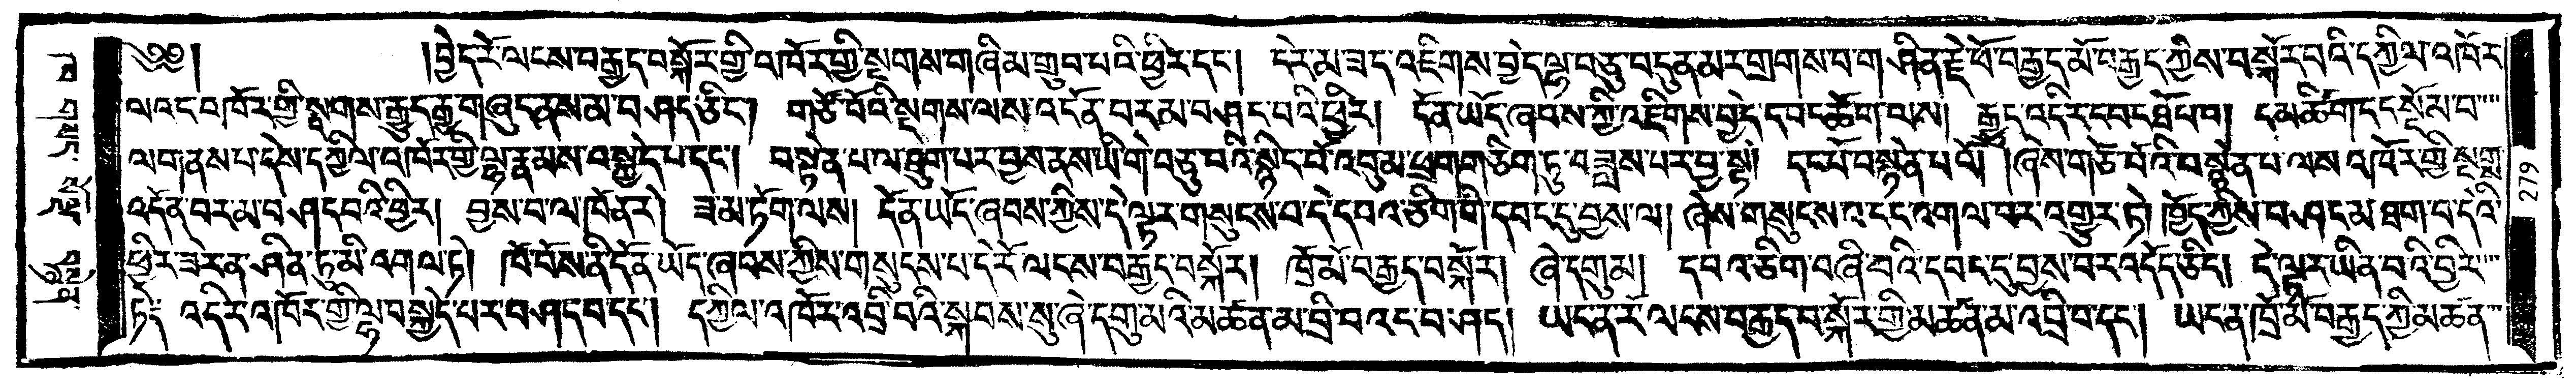༄༅། །བྱེད་རོ་ལངས་བརྒྱད་བསྐོར་གྱི་འཁོར་གྱི་སྔགས་གཞི་མ་གྲུབ་པའི་ཕྱིར་དང་། དེར་མ་ཟད་འཇིགས་བྱེད་ལྷ་བཅུ་བདུན་མར་གྲགས་པ་གཤིན་རྗེ་ཕོ་བརྒྱད་མོ་བརྒྱད་ཀྱིས་བསྐོར་བའི་དཀྱིལ་འཁོར་
ལའང་འཁོར་གྱི་སྔགས་རྒྱུད་རྒྱུ་གཞུང་ནས་མ་བཤད་ཅིང་། གཙོ་བོའི་སྔགས་ལས་འདོན་པར་མ་བཤད་པའི་ཕྱིར། དོན་ཡོད་ཞབས་ཀྱི་འཇིགས་བྱེད་དབང་ཆོག་ལས། རྒྱུད་འདིར་དབང་ཐོབ་བ། དམ་ཚིག་དང་སྡོམ་པ་
ལ་གནས་པ་དེས་དཀྱིལ་འཁོར་གྱི་ལྷ་རྣམས་བསྐྱེད་པ་དང་། བསྟེན་པ་ལ་ཐུག་པར་བྱས་ནས་ཡི་གེ་བཅུ་པའི་སྙིང་པོ་འབུམ་ཕྲག་གཅིག་ཏུ་བཟླས་པར་བྱ་སྟེ། དང་པོ་བསྙེན་པའོ། །ཞེས་གཙོ་བོའི་བསྙེན་པ་ལས་འཁོར་གྱི་སྔགས་
འདོན་བར་མ་བཤད་བའི་ཕྱིར། བྱས་པ་ལ་ཁོ་ན་རེ། ཟ་མ་ཏོག་ལས། དོན་ཡོད་ཞབས་ཀྱིས་དེ་ལྟར་གསུངས་བ་དེ་དཔའ་ཅིག་གི་དབང་དུ་བྱས་ལ། ཞེས་གསུངས་པ་དང་འགལ་བར་འགྱུར་ཏེ། ཁྱོད་ཀྱིས་བཤད་མ་ཐག་པ་དེའི་
ཕྱིར་ཟེར་ན་ཤིན་ཏུ་མི་འགལ་ཏེ། ཁོ་བོས་ནི་དོན་ཡོད་ཞབས་ཀྱིས་གསུངས་པ་དེ་རོ་ལངས་བརྒྱད་བསྐོར། ཁྲོ་མོ་བརྒྱད་བསྐོར། ཞེ་དགུ་མ། དཔའ་ཅིག་བཞི་བའི་དབང་དུ་བྱས་པར་འདོད་ཅིང་། དེ་ལྟར་ཡིན་པའི་ཕྱིར་
ཏེ༑ འདིར་འཁོར་གྱི་ལྷ་བསྐྱེད་པར་བཤད་པ་དང་། དཀྱིལ་འཁོར་འབྲི་བའི་སྐབས་སུ་ཞེ་དགུ་མའི་མཚན་མ་བྲི་བའང་བཤད། ཡང་ན་རོ་ལངས་བརྒྱད་པ་སྐོར་གྱི་མཚན་མ་འབྲི་བ་དང་། ཡང་ན་ཁྲོ་མོ་བརྒྱད་ཀྱི་མཚན་